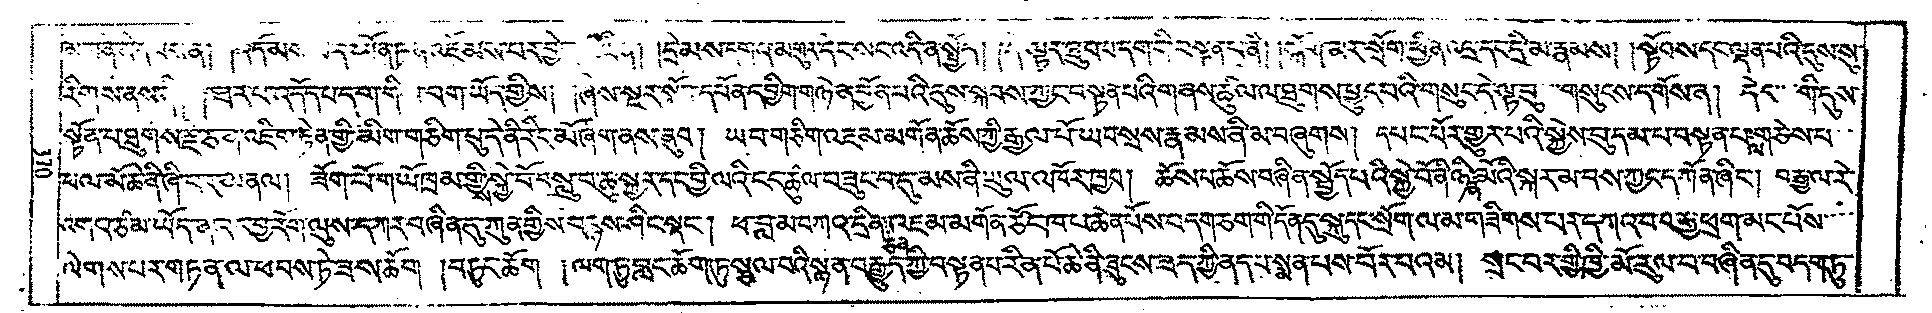མགོན་མེད་པས་ན། །འདོམས་མེད་ཡོན་ཏན་འཇོམས་པར་བྱེད་པ་ཡིན། །དྲི་མས་དགའ་མགུར་དེང་སང་འདི་ན་སྤྱོད། །དེ་ལྟར་ཐུབ་པ་དག་གི་བསྟན་པ་ནི། །ལྐོག་མར་སྲོག་ཕྱིན་འདྲ་དང་དྲི་མ་རྣམས། །སྟོབས་དང་ལྡན་པའི་དུས་སུ་
རིགས་ནས་ནི། །ཐར་པ་འདོད་པ་དག་གིས་བག་ཡོད་ཀྱིས། །ཞེས་སྔར་སློབ་དཔོན་དབྱིག་གཉེན་བྱོན་པའི་དུས་སྐབས་ཀྱང་བསྟན་པའི་གནས་ཚུལ་ལ་ཐུགས་ཕྱུང་བའི་གསུང་དེ་ལྟ་བུ་གསུངས་དགོས་ན། དེང་གི་དུས་
སྟོན་པ་ཐུགས་རྗེ་ཅན་འཇིག་རྟེན་གྱི་མིག་གཅིག་པུ་དེ་ནི་རིང་མོ་ཞིག་ནས་ནུབ། ཡབ་གཅིག་འཇམ་མགོན་ཆོས་ཀྱི་རྒྱལ་པོ་ཡབ་སྲས་རྣམས་ནི་མ་བཞུགས། དཔང་པོར་གྱུར་པའི་སྐྱེས་བུ་དམ་པ་བསྟན་པ་ལ་གཅེས་པ་
ཕལ་མོ་ཆེ་ནི་ཞི་བར་མནལ། ཟོག་པོ་གཡོ་ཁྲམ་གྱིས་སྐྱེ་བོ་བསླུ་བ་ཆུ་སྐྱར་དང་བྱི་ལའི་ངང་ཚུལ་བཟུང་བ་དུ་མས་ནི་ཡུལ་འཁོར་ཁྱབ། ཆོས་པ་ཆོས་བཞིན་སྤྱོད་པའི་སྐྱེ་བོ་ནི་ཉིན་མོའི་སྐར་མ་བས་ཀྱང་དཀོན་ཞིང་། བརྒྱ་ལ་རེ་
འགའ་ཙམ་ཡོད་ནའང་བྱ་རོག་ལུས་དཀར་བཞིན་དུ་ཀུན་གྱིས་བརྙས་ཤིང་སྡང་། ཕ་བླ་མ་བཀའ་དྲིན་ཅན་འཇམ་མགོན་ཙོང་ཁ་པ་ཆེན་པོས་བདག་ཅག་གི་དོན་དུ་སྐུ་དང་སྤོག་ལ་མ་གཟིགས་པར་དཀའ་བ་བརྒྱ་ཕྲག་མང་པོས་
ལེགས་པར་གཏན་ལ་ཕབས་ཏེ་ཟས་ཆོག །བཏུང་ཆོག །ལག་ཏུ་བླང་ཆོག་ཏུ་སྩལ་བའི་སྙན་བརྒྱུད་ཀྱི་བསྟན་པ་རིན་པོ་ཆེ་ནི་ཟུངས་ཟད་ཀྱི་ནད་པ་སྨན་པས་བོར་བའམ། སྲང་བར་གྱི་ཁྱི་མོ་རུལ་བ་བཞིན་དུ་བདག་ཏུ་